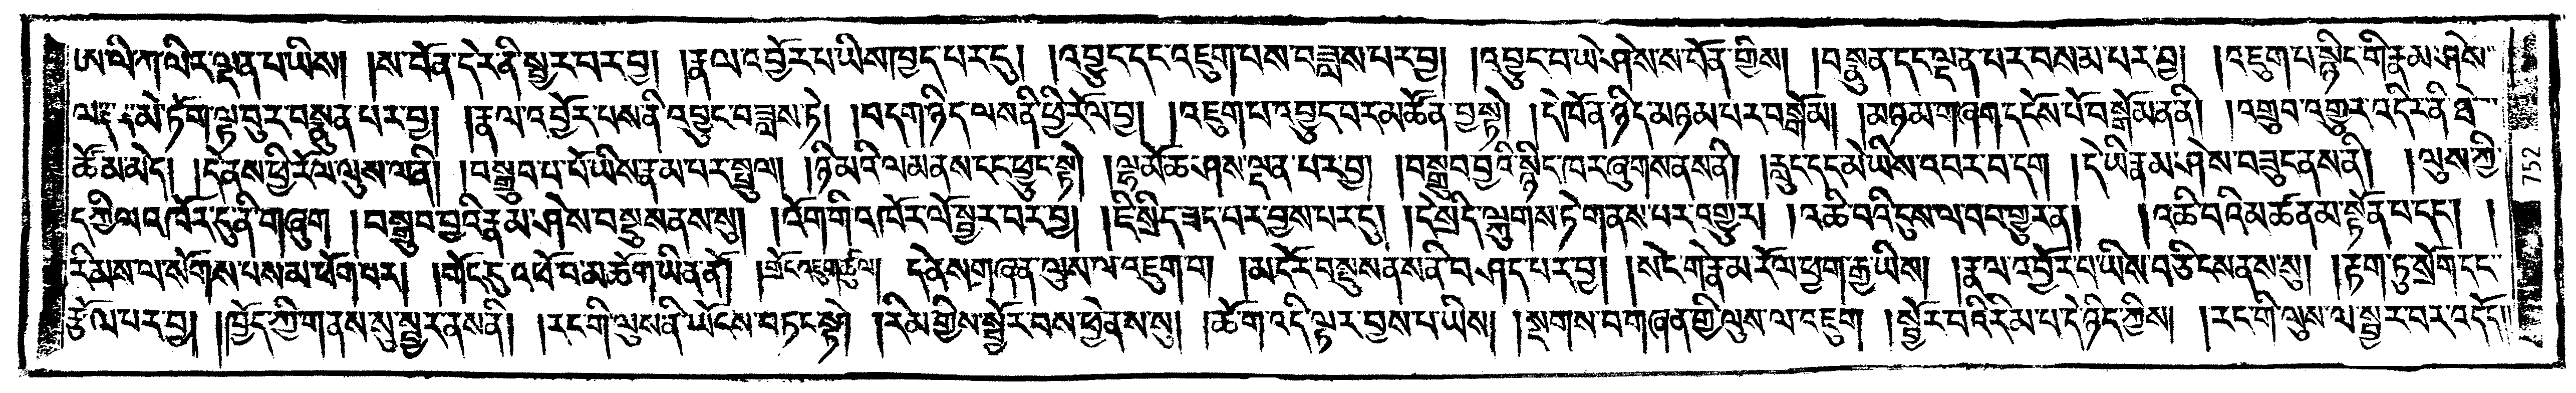ཨ་ལི་ཀ་ལིར་ལྡན་པ་ཡིས། །ས་བོན་དེར་ནི་སྦྱར་བར་བྱ། །རྣལ་འབྱོར་པ་ཡིས་ཁྱད་པར་དུ། །འབྱུང་དང་འཇུག་པས་བཟླས་པར་བྱ། །འབྱུང་བ་ཡེ་ཤེས་ས་བོན་གྱིས། །བསྣུན་དང་ལྡན་པར་བསམ་པར་བྱ། །འཇུག་པ་སྙིང་གི་རྣམ་ཤེས་
ལ༑ ༑མེ་ཏོག་ལྟ་བུར་བསྣུན་པར་བྱ། །རྣལ་འབྱོར་པས་ནི་འབྱུང་བཟླས་ཏེ། །བདག་ཉིད་ལས་ནི་ཕྱི་རོལ་བྱ། །འཇུག་པ་འབྱུང་བར་མཚོན་བྱ་སྟེ། །དེ་ཁོ་ན་ཉིད་མཉམ་པར་བསྒོམ། །མཉམ་གཞག་དངོས་པོ་བསྒོམ་ན་ནི། །འགྲུབ་འགྱུར་འདིར་ནི་ཐེ་
ཚོམ་མེད། །དེ་ནས་ཕྱི་རོལ་ལུས་ལ་ནི། །བསྒྲུབ་པ་པོ་ཡིས་རྣམ་པར་སྤྲུལ། །ཉི་མའི་ལམ་ནས་དང་ཕྱུང་སྟེ། །ལྷ་མོ་ཆ་ཤས་ལྡན་པར་བྱ། །བསྒྲུབ་བྱའི་སྙིང་ཁར་ཞུགས་ནས་ནི། །རླུང་དང་མེ་ཡིས་འབར་བ་དག །དེ་ཡི་རྣམ་ཤེས་བཟུང་ནས་ནི། །ལུས་ཀྱི་
དཀྱིལ་འཁོར་དུ་ནི་གཞུག །བསྒྲུབ་བྱའི་རྣམ་ཤེས་བསྡུས་ནས་སུ། །འོག་གི་འཁོར་ལོ་སྦྱར་བར་བྱ། །ཇི་སྲིད་ཟད་པར་བྱས་པར་དུ། །དེ་སྲིད་ལྐུགས་ཏེ་གནས་པར་འགྱུར། །འཆི་བའི་དུས་ལ་བབ་གྱུར་ན། །འཆི་བའི་མཚན་མ་སྟོན་པ་དང་། །
རིམས་ལ་སོགས་པས་མ་ཕོག་བར། །གོང་དུ་འཕོ་བ་མཆོག་ཡིན་ནོ། །གྲོང་འཇུག་ཚུལ། དེ་ནས་གཞན་ལུས་ལ་འཇུག་པ། །མདོར་བསྡུས་ནས་ནི་བཤད་པར་བྱ། །སེང་གེ་རྣམ་རོལ་ཕྱག་རྒྱ་ཡིས། །རྣལ་འབྱོར་པ་ཡིས་བཅིངས་ནས་སུ། །རྟག་ཏུ་སྲོག་དང་
རྩོལ་པར་བྱ། །ཁྱོད་ཀྱི་གནས་སུ་སྦྱར་ནས་ནི། །རང་གི་ལུས་ནི་ཡོངས་བཏང་སྟེ། །རིམ་གྱིས་སྦྱོར་བས་ཕེ་ནས་སུ། །ཆོ་ག་འདི་ལྟར་བྱས་པ་ཡིས། །སྔགས་པ་གཞན་གྱི་ལུས་ལ་འཇུག །སྦྱོར་བའི་རིམ་པ་དེ་ཉིད་ཀྱིས། །རང་གི་ལུས་ལ་སྦྱར་བར་འདོད།།